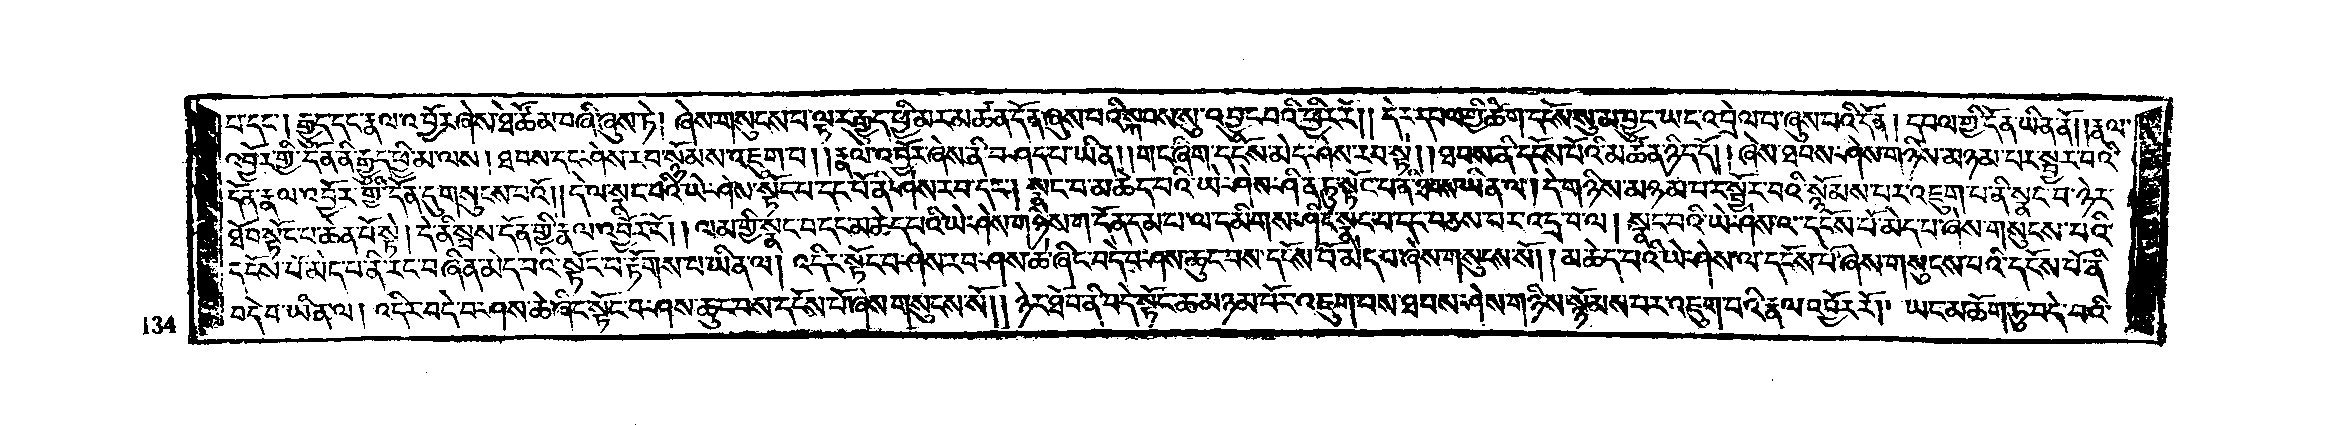པ་དང་། རྒྱུད་དང་རྣལ་འབྱོར་ཞེས་ཐེ་ཚོམ་བཞི་ཞུས་ཏེ། ཞེས་གསུངས་པ་ལྟར་རྒྱུད་ཕྱི་མར་མཚན་དོན་ཞུས་པའི་སྐབས་སུ་འབྱུང་བའི་ཕྱིར་རོ། །དེར་དཔལ་གྱི་ཚིག་དངོས་སུ་མ་བྱུང་ཡང་འབྲེལ་པ་ཞུས་པའི་དོན། དཔལ་གྱི་དོན་ཡིན་ནོ། །རྣལ་
འབྱོར་གྱི་དོན་ནི་རྒྱུད་ཕྱི་མ་ལས། ཐབས་དང་ཤེས་རབ་སྙོམས་འཇུག་པ། །རྣལ་འབྱོར་ཞེས་ནི་བཤད་པ་ཡིན། །གང་ཞིག་དངོས་མེད་ཤེས་རབ་སྟེ། །ཐབས་ནི་དངོས་པོའི་མཚན་ཉིད་དོ། །ཞེས་ཐབས་ཤེས་གཉིས་མཉམ་པར་སྦྱར་བའི་
དོན་རྣལ་འབྱོར་གྱི་དོན་དུ་གསུངས་པའོ། །དེ་ལ་སྣང་བའི་ཡེ་ཤེས་སྟོང་པ་དང་པོ་ནི་ཤེས་རབ་དང་། སྣང་བ་མཆེད་པའི་ཡེ་ཤེས་ཤིན་ཏུ་སྟོང་པ་ནི་ཐབས་ཡིན་ལ། དེ་གཉིས་མཉམ་པར་སྦྱོར་བའི་སྙོམས་པར་འཇུག་པ་ནི་སྣང་བ་ཉེར་
ཐོབ་སྟོང་པ་ཆེན་པོ་སྟེ། དེ་ནི་སྦས་དོན་གྱི་རྣལ་འབྱོར་རོ། །ལམ་གྱི་སྣང་བ་དང་མཆེད་པའི་ཡེ་ཤེས་གཉིས་ཀ་དོན་དམ་པ་ལ་དམིགས་ཤིང་སྣང་བ་དང་བཅས་པར་འདྲ་བ་ལ། སྣང་བའི་ཡེ་ཤེས་ལ་དངོས་པོ་མེད་པ་ཞེས་གསུངས་པའི་
དངོས་པོ་མེད་པ་ནི་རང་བཞིན་མེད་པའི་སྟོང་པ་རྟོགས་པ་ཡིན་ལ། འདིར་སྟོང་པ་ཤེས་རབ་ཤས་ཆེ་ཞིང་བདེ་བ་ཤས་ཆུང་བས་དངོས་པོ་མེད་པ་ཞེས་གསུངས་སོ། །མཆེད་པའི་ཡེ་ཤེས་ལ་དངོས་པོ་ཞེས་གསུངས་པའི་དངོས་པོ་ནི་
བདེ་བ་ཡིན་ལ། འདིར་བདེ་བ་ཤས་ཆེ་ཞིང་སྟོང་པ་ཤས་ཆུང་བས་དངོས་པོ་ཞེས་གསུངས་སོ། །ཉེར་ཐོབ་ནི་བདེ་སྟོང་ཆ་མཉམ་པོར་འཇུག་པས་ཐབས་ཤེས་གཉིས་སྙོམས་པར་འཇུག་པའི་རྣལ་འབྱོར་རོ། །ཡང་མཆོག་ཏུ་བདེ་བའི་